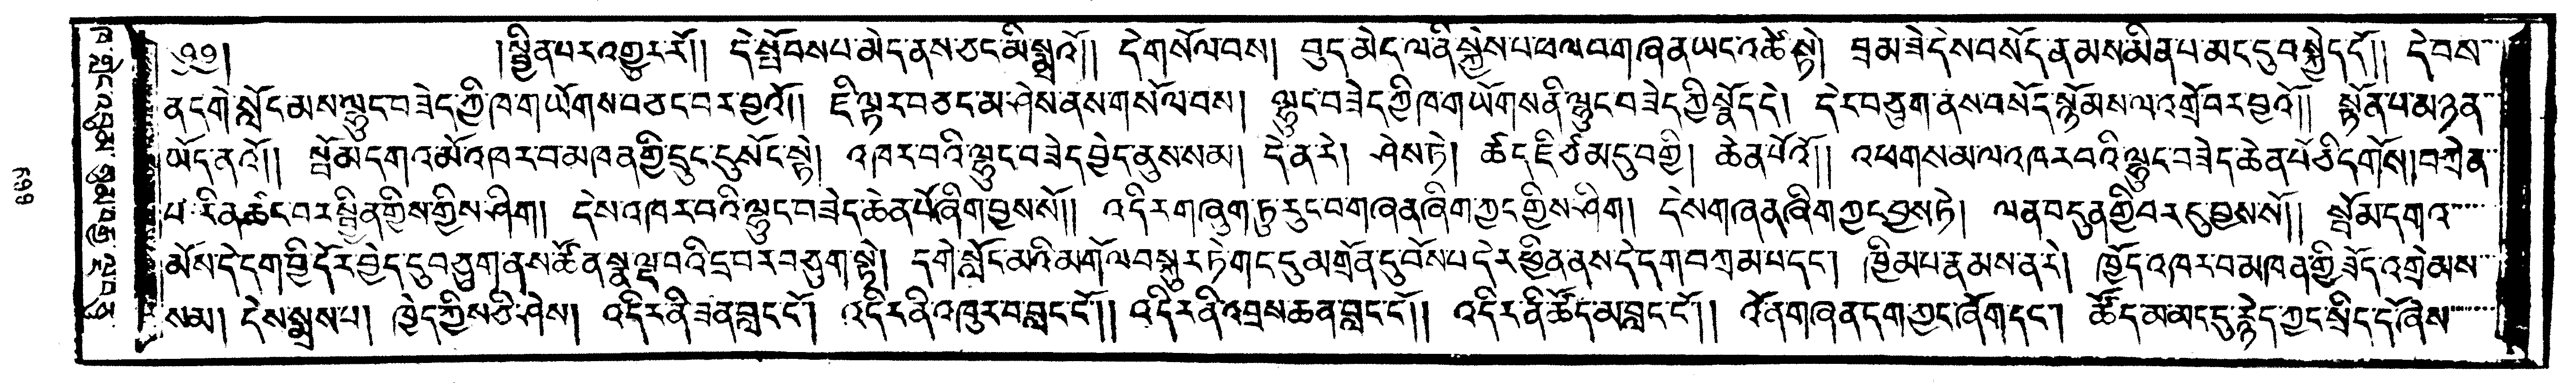༄༅། །སྦྱིན་པར་འགྱུར་རོ།། དེ་སྤོབས་པ་མེད་ནས་ཅང་མི་སྨྲའོ།། དེ་གསོལ་བས། བུད་མེད་ལ་ནི་སྐྱེས་པ་ཕལ་བ་གཞན་ཡང་འཚེ་སྟེ། བྲམ་ཟེ་དེས་བསོད་ནམས་མིན་པ་མང་དུ་བསྐྱེད་དོ།། དེ་བས་
ན་དགེ་སློང་མས་ལྷུང་བཟེད་ཀྱི་ཁ་གཡོགས་བཅང་བར་བྱའོ།། ཇི་ལྟར་བཅང་མ་ཤེས་ནས་གསོལ་བས། ལྷུང་བཟེད་ཀྱི་ཁ་གཡོགས་ནི་ལྷུང་བཟེད་ཀྱི་སྣོད་དེ། དེར་བཅུག་ནས་བསོད་སྙོམས་ལ་འགྲོ་བར་བྱའོ།། སྟོན་པ་མཉན་
ཡོད་ནའོ།། སྦོམ་དགའ་མོ་འཁར་བ་མཁན་གྱི་དྲུང་དུ་སོང་སྟེ། འཁར་བའི་ལྷུང་བཟེད་བྱེད་ནུས་སམ། དེ་ན་རེ། ཤེས་ཏེ། ཚད་ཇི་ཙམ་དུ་བགྱི། ཆེན་པོའོ།། འཕགས་མ་ལ་འཁར་བའི་ལྷུང་བཟེད་ཆེན་པོ་ཅི་དགོས། བཀྲེན་
པ་རིན་ཚང་བར་སྦྱིན་གྱིས་གྱིས་ཤིག། དེས་འཁར་བའི་ལྷུང་བཟེད་ཆེན་པོ་ཞིག་བྱས་སོ།། འདིར་གཞུག་ཏུ་རུང་བ་གཞན་ཞིག་ཀྱང་གྱིས་ཤིག། དེས་གཞན་ཞིག་ཀྱང་བྱས་ཏེ། ལན་བདུན་གྱི་བར་དུ་བྱས་སོ།། སྦོམ་དགའ་
མོས་དེ་དག་བྱི་དོར་བྱེད་དུ་བཅུག་ནས་ཚོན་སྣ་ལྔ་བའི་དྲ་བར་བཅུག་སྟེ། དགེ་སློང་མའི་མགོ་ལ་བསྐུར་ཏེ་གང་དུ་མགྲོན་དུ་བོས་པ་དེར་ཕྱིན་ནས་དེ་དག་བཀྲམ་པ་དང་། ཁྱིམ་པ་རྣམས་ན་རེ། ཁྱོད་འཁོར་བ་མཁན་གྱི་ཟོད་འགྲེམས་
སམ། དེས་སྨྲས་པ། ཁྱེད་ཀྱིས་ཅི་ཤེས། འདིར་ནི་ཟན་བླང་ངོ། འདིར་ནི་འཁོར་བ་བླང་ངོ།། འདིར་ནི་འབྲས་ཆན་བླང་ངོ།། འདིར་ནི་ཚོད་མ་བླང་ངོ།། འོ་ན་གཞན་དག་ཀྱང་ཞོག་དང་། ཚོད་མ་མང་དུ་རྙེད་ཀྱང་སྲིད་དོ་ཞེས་